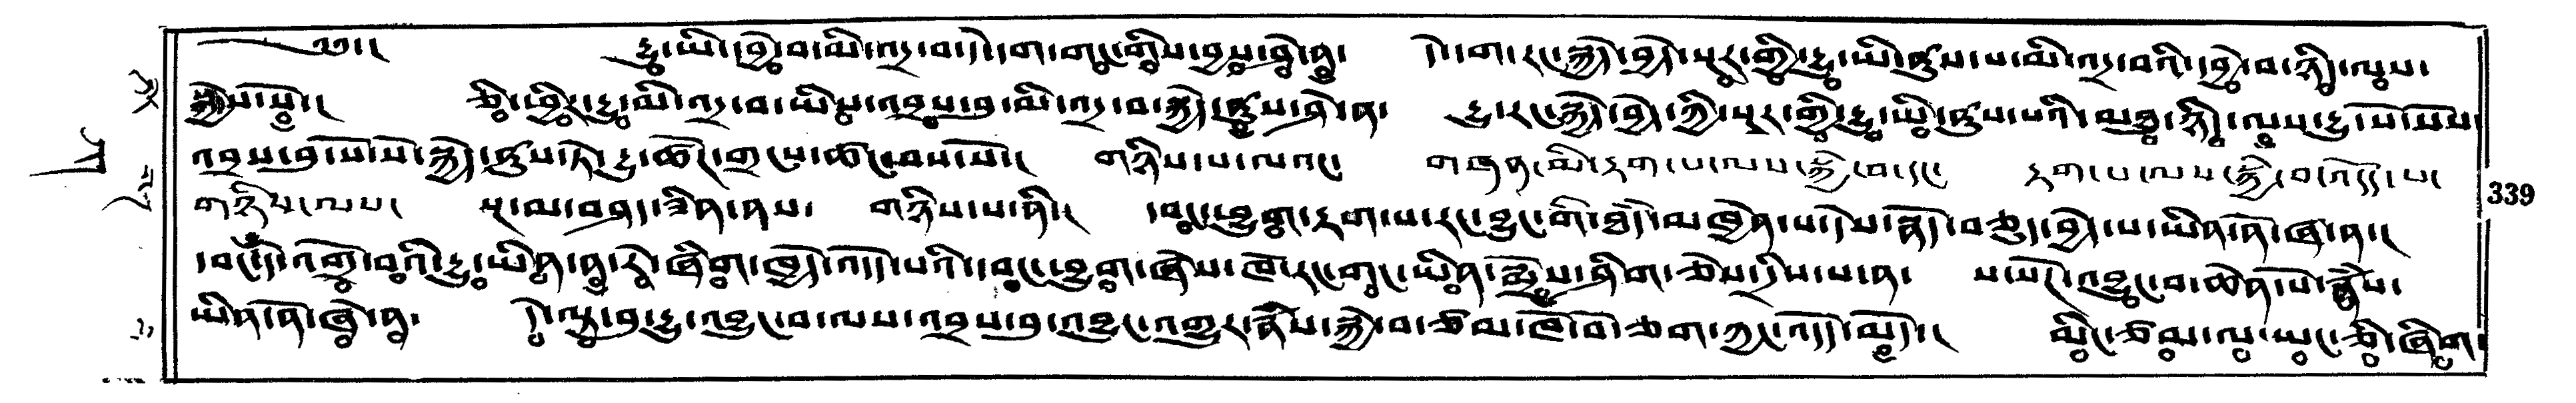རྒྱུ་ཡི་དབྱེ་བ་མི་འདྲ་བ་དེ་དག་གང་གིས་བྱས་ཤེ་ན། དེ་དག་རང་བསྐྱེད་བྱེད་སྔར་གྱི་རྒྱུ་ཡི་ནུས་པ་མི་འདྲ་བའི་དབྱེ་བ་ཉིད་ལས་
སྐྱེས་སོ།། ཅིའི་ཕྱིར་རྒྱུ་མི་འདྲ་བ་ཡིས་འབྲས་བུ་མི་འདྲ་བ་བསྐྱེད་ནུས་ཤེ་ན། རྒྱུ་རང་སྐྱེད་བྱཻད་ཀྱི་སྔར་གྱི་རྒྱུ་ཡི་ནུས་པའི་མཐུ་ཉིད་ལས་རྒྱུ་སོ་སོས་
འབྲས་བུ་སོ་སོ་བསྐྱེད་ནུས་ཏེ་རྒྱུ་ཚོགས་གྲངས་ཚང་བས་སོ།། གཉིས་པ་ལའང་། གཞན་མི་རྟག་པ་ལས་སྐྱེ་བ་དང་། རྟག་པ་ལས་སྐྱེ་བ་འདོད་པ་
གཉིས་ལས། སྔ་མ་བཤད་ཟིན་ནས། གཉིས་པ་ནི། དབང་ཕྱུག་རྟག་པ་རང་བྱུང་གི་ཐམས་ཅད་མཁྱེན་པ་དེས་སྣོད་བཅུད་བྱེད་པ་ཡིན་ནོ་ཞེ་ན། 
དབང་ཕྱུག་དེ་འགྲོ་བའི་རྒྱུ་ཡིན་ན་རེ་ཞིག་ཁྱོད་ཀྱིས་འདོད་པའི་དབང་ཕྱུག་ཅེས་ཁོ་རང་གང་ཡིན་སྨྲོས་ཤིག་ཅེས་དྲིས་པ་ན། ས་སོགས་འབྱུང་བ་ཆེན་པོ་རྣམས་
ཡིན་ནོ་ཞེ་ན། དེ་ལྟ་བུ་རྒྱུ་འབྱུང་བ་ལས་འབྲས་བུ་འབྱུང་འགྱུར་རྣམས་སྐྱེ་བ་ཙམ་ཁོ་བོ་ཅག་ཀྱང་འདོད་མོད།མིང་ཙམ་ལ་ཡང་ཅི་ཞིག་